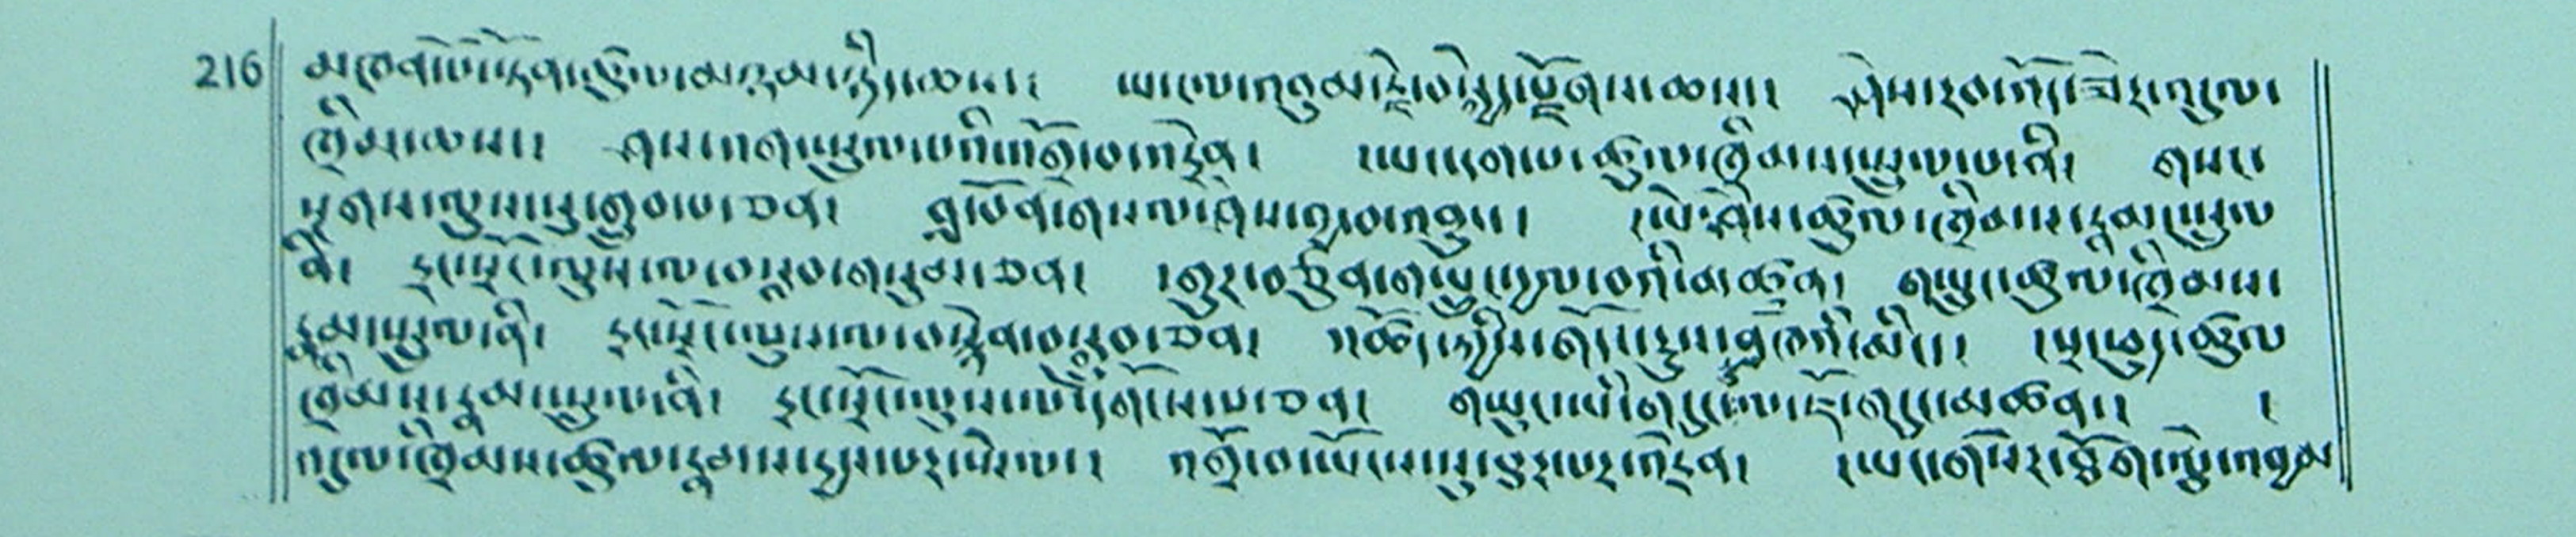མཁན་པོ་སྟོན་ཚུལ་མཚན་ཉིད་ཆས། ཡ་ངལ་འབུམ་རྗེ་བསྐྱེད་རྫོགས་ཆས། ཤེས་རབ་འོད་ཟེར་འདུལ་
ཁྲིམས་ཆས། ཤས་འགའ་སྤྲུལ་པའི་འགྲོ་བ་འདྲེན། ཡང་དག་པ་ཚུལ་ཁྲིམས་སྤྲུལ་པ་ནི། གསང་
སྔགས་ལུས་སུ་གྲུབ་པ་ཅན། བླ་བོན་གསལ་ཤེས་བྱ་བ་འབྱུང་། ཡེ་ཤེས་ཚུལ་ཁྲིམས་
རྣམ་སྤྲུལ་ནི། དྲང་སྲོང་ལུས་ལ་བསླབ་གསུམ་ཅན། གུར་བཙུན་གཡུང་དྲུང་རྒྱལ་བའི་མཚན། གཡུང་དྲུང་ཚུལ་
ཁྲིམས་རྣམ་སྤྲུལ་ནི། དྲང་སྲོང་ལུས་ལ་བསྙེན་སྒྲུབ་ཅན། འཚོད་ཀྱི་གདོང་རུས་ནམ་མཁའི་མཚན། པྲ་ཕུད་ཚུལ་
ཁྲིམས་རྣམ་སྤྲུལ་ནི། དྲང་སྲོང་ལུས་ལ་དགོངས་པ་ཅན། གཡུང་གི་གདུང་རུས་ཇོ་གདུང་མཚན། 
འདུལ་ཁྲིམས་ཚུལ་རྣམས་རྒྱས་པར་སྤེལ། འགྲོ་བ་ཡོངས་སུ་ཐར་བར་འདྲེན། ཡང་གསེར་ཐོག་ལྕེ་འབྱམས་